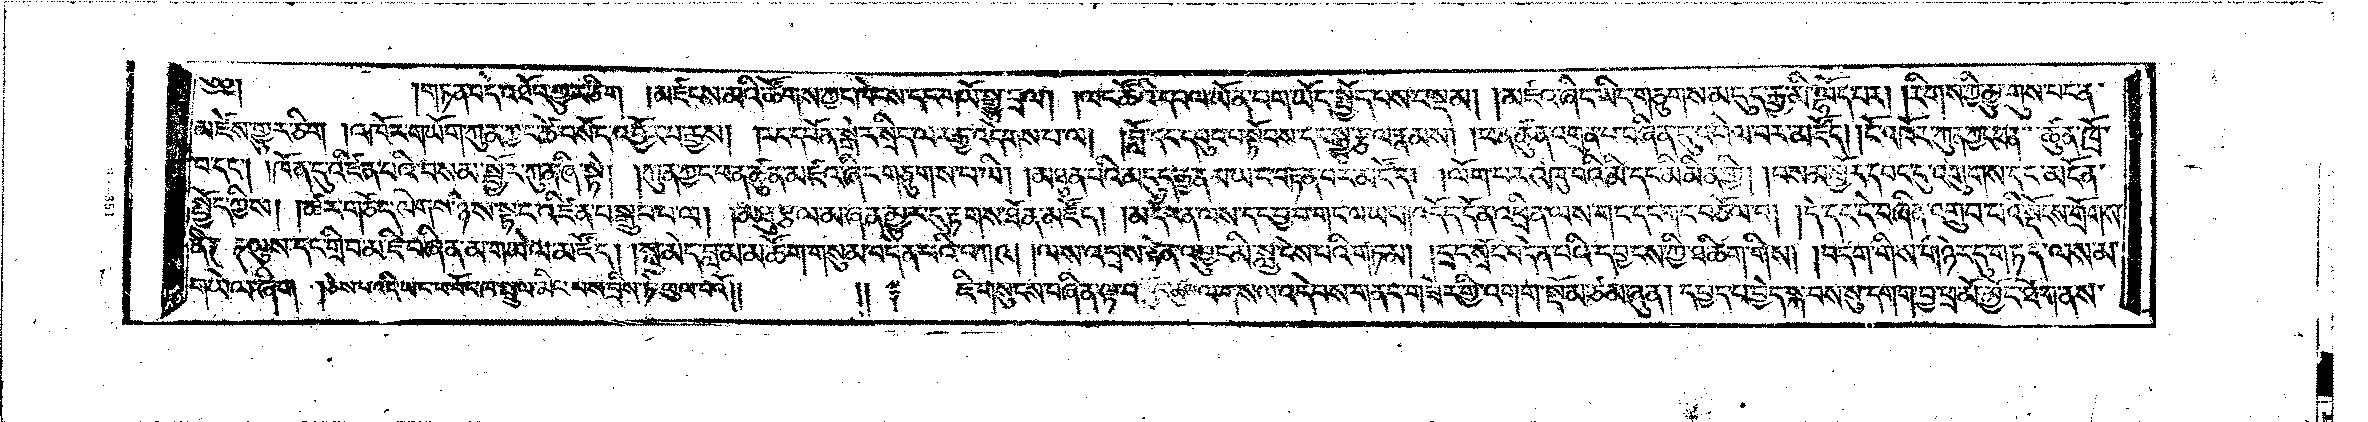༄༅། །གཏན་བདེ་འཐོབ་གྱུར་ཅིག །མཛངས་མའི་ཚོགས་ཀྱང་ཁེངས་དང་གཡོ་སྒྱུ་བྲལ། །ལང་ཚོའི་དཔལ་ཡོན་བག་ཡོད་སྤྱོད་པས་བསྡམ། །མཛའ་ཞིང་ཡིད་གཅུགས་མདུད་རྒྱ་མི་ལྷོད་པར། །རིགས་ཀྱི་མྱུ་གུས་པང་ན་
མཛེས་གྱུར་ཅིག །འཁོར་གཡོག་ཀུན་ཀྱང་ཚེ་བསོད་འབྱོར་པ་རྒྱས། །རང་དཔོན་སྒེང་སྲིད་ལར་རྒྱ་འདེགས་པ་ལ། །བློ་དང་དཔུང་པ་སྟོབས་དང་སྒྱུ་རྩལ་རྣམས། །ཕན་ཚུན་འགྲན་པ་བཞིན་དུ་འཕེལ་བར་མཛོད། །ངོ་འཁོར་ཀུན་ཀྱང་ཕན་ཚུན་ཁྲོ་
བ་དང་། །ཁོན་དུ་འཛིན་པའི་བསམ་སྦྱོར་ཀུན་ཞི་སྟེ། །ཀུན་ཀྱང་ཕན་ཚུན་མཛའ་ཞིང་གཅུགས་པ་ཡི། །མཐུན་པའི་མདུད་རྒྱན་མ་ཡང་བརྟན་པར་མཛོད། །ལོག་པར་འཁུ་བའི་མི་དང་མི་མིན་གྱི། །བསམ་སྦྱོར་དབང་དུ་འགུགས་དང་མངོན་
སྤྱོད་ཀྱིས། །ཚར་གཅོད་ལེགས་ཉིས་སྟང་འཛིན་བསྒྲུབ་པ་ལ། །མཐུ་རྩལ་མ་ཞན་མྱུར་དུ་རྟགས་ཐོན་མཛོད། །མདོར་ན་ལས་དང་བྱ་བ་གང་ལ་ཡང་། །འདོད་དོན་འཕྲིན་ལས་གང་དང་གང་བཅོལ་བ། །དེ་དང་དེ་བཞིན་འགྲུབ་པའི་སྡོངས་གྲོགས་
ནི༑ ༑ལུས་དང་གྲིབ་མ་ཇི་བཞིན་མ་གཡེལ་མཛོད། །སླུ་མེད་བླ་མ་མཆོག་གསུམ་བདེན་པའི་བཀའ། །ལས་འབྲས་རྟེན་འབྱུང་མི་སླུ་ངེས་པའི་གཏམ། །དྲང་སྲོང་བདེན་པའི་དབྱངས་ཀྱི་ཐ་ཚིག་གིས། །བདག་གིས་གཉེར་དུ་གཏད་ལས་མ་
གཡེལ་ཞིག་།ཅེས་པ་འདི་ཡང་ཕ་བོང་ཁ་སྤྲུལ་མིང་པས་བྲིས་ཏེ་ཕུལ་བའོ།།  །། ༈ ཇི་གསུངས་བཞིན་ལྟ་བ་ཚུལ་ཚུལ་ལ་གསལ་འདེབས་གནད་གཟེར་གྱི་འགག་སྡོམ་ཙམ་ཞུ་ན། དཔྱད་པ་བྱེད་སྐབས་སུ་དགག་བྱ་ཕྲ་མོ་མྱོང་ཐོག་ནས་